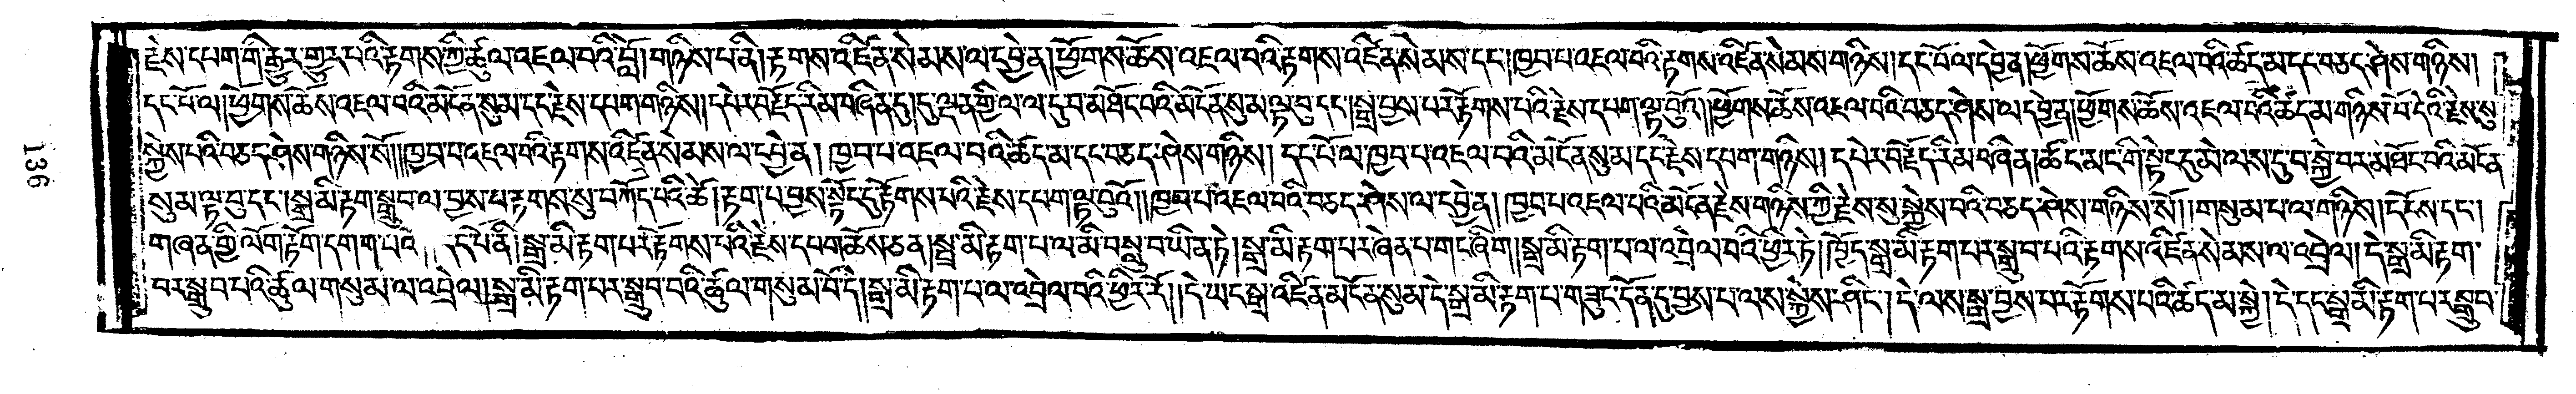རྗེས་དཔག་གི་རྒྱུར་གྱུར་བའི་རྟགས་ཀྱི་ཚུལ་འཇལ་བའི་བློ། གཉིས་པ་ནི། རྟགས་འཛིན་སེམས་ལ་དབྱེ་ན། ཕྱོགས་ཆོས་འཇལ་བའི་རྟགས་འཛིན་སེམས་དང་། ཁྱབ་པ་འཇལ་བའི་རྟགས་འཛིན་སེམས་གཉིས། དང་པོ་ལ་དབྱེ་ན། ཕྱོགས་ཆོས་འཇལ་བའི་ཚད་མ་དང་བཅད་ཤེས་གཉིས།
དང་པོ་ལ། ཕྱོགས་ཆོས་འཇལ་བའི་མངོན་སུམ་དང་རྗེས་དཔག་གཉིས། དཔེར་བརྗོད་རིམ་བཞིན་དུ། དུ་ལྡན་གྱི་ལ་ལ་དུ་བ་མཐོང་བའི་མངོན་སུམ་ལྟ་བུ་དང་། སྒྲ་བྱས་པར་རྟོགས་པའི་རྗེས་དཔག་ལྟ་བུའོ། །ཕྱོགས་ཆོས་འཇལ་བའི་བཅད་ཤེས་ལ་དབྱེ་ན། ཕྱོགས་ཆོས་འཇལ་བའི་ཚད་མ་གཉིས་པོ་དེའི་རྗེས་སུ་
སྐྱེས་པའི་བཅད་ཤེས་གཉིས་སོ། །ཁྱབ་པ་འཇལ་བའི་རྟགས་འཛིན་སེམས་ལ་དབྱེ་ན། ཁྱབ་པ་འཇལ་བའི་ཚད་མ་དང་བཅད་ཤེས་གཉིས། དང་པོ་ལ་ཁྱབ་པ་འཇལ་བའི་མངོན་སུམ་དང་རྗེས་དཔག་གཉིས། དཔེར་བརྗོད་རིམ་བཞིན། ཚད་མང་གི་སྟེང་དུ་མེ་ལས་དུ་བ་སྐྱེ་བར་མཐོང་བའི་མངོན་
སུམ་ལྟ་བུ་དང་། སྒྲ་མི་རྟག་སྒྲུབ་ལ་བྱས་པ་རྟགས་སུ་བཀོད་པའི་ཚེ། རྟག་པ་བྱས་སྟོང་དུ་རྟོགས་པའི་རྗེས་དཔག་ལྟ་བུའོ། །ཁྱབ་པ་འཇལ་བའི་བཅད་ཤེས་ལ་དབྱེ་ན། ཁྱབ་པ་འཇལ་བའི་མངོན་རྗེས་གཉིས་ཀྱི་རྗེས་སུ་སྐྱེས་པའི་བཅད་ཤེས་གཉིས་སོ། །གསུམ་པ་ལ་གཉིས། དངོས་དང་།
གཞན་གྱི་ལོག་རྟོག་དགག་པའོ། །དང་པོ་ནི། སྒྲ་མི་རྟག་པར་རྟོགས་པའི་རྗེས་དཔག་ཆོས་ཅན། སྒྲ་མི་རྟག་པ་ལ་མི་བསླུ་བ་ཡིན་ཏེ། སྒྲ་མི་རྟག་པར་ཞེན་པ་གང་ཞིག །སྒྲ་མི་རྟག་པ་ལ་འབྲེལ་བའི་ཕྱིར་ཏེ། ཁྱོད་སྒྲ་མི་རྟག་པར་སྒྲུབ་པའི་རྟགས་འཛིན་སེམས་ལ་འབྲེལ། དེ་སྒྲ་མི་རྟག་
པར་སྒྲུབ་པའི་ཚུལ་གསུམ་ལ་འབྲེལ། སྒྲ་མི་རྟག་པར་སྒྲུབ་པའི་ཚུལ་གསུམ་པོ་དེ། སྒྲ་མི་རྟག་པ་ལ་འབྲེལ་བའི་ཕྱིར་རོ། །དེ་ཡང་སྒྲ་འཛིན་མངོན་སུམ་དེ་སྒྲ་མི་རྟག་པ་གཟུང་དོན་དུ་བྱས་པ་ལས་སྐྱེས་ཤིང་། དེ་ལས་སྒྲ་བྱས་པར་རྟོགས་པའི་ཚད་མ་སྐྱེ། དེ་དང་སྒྲ་མི་རྟག་པར་སྒྲུབ་